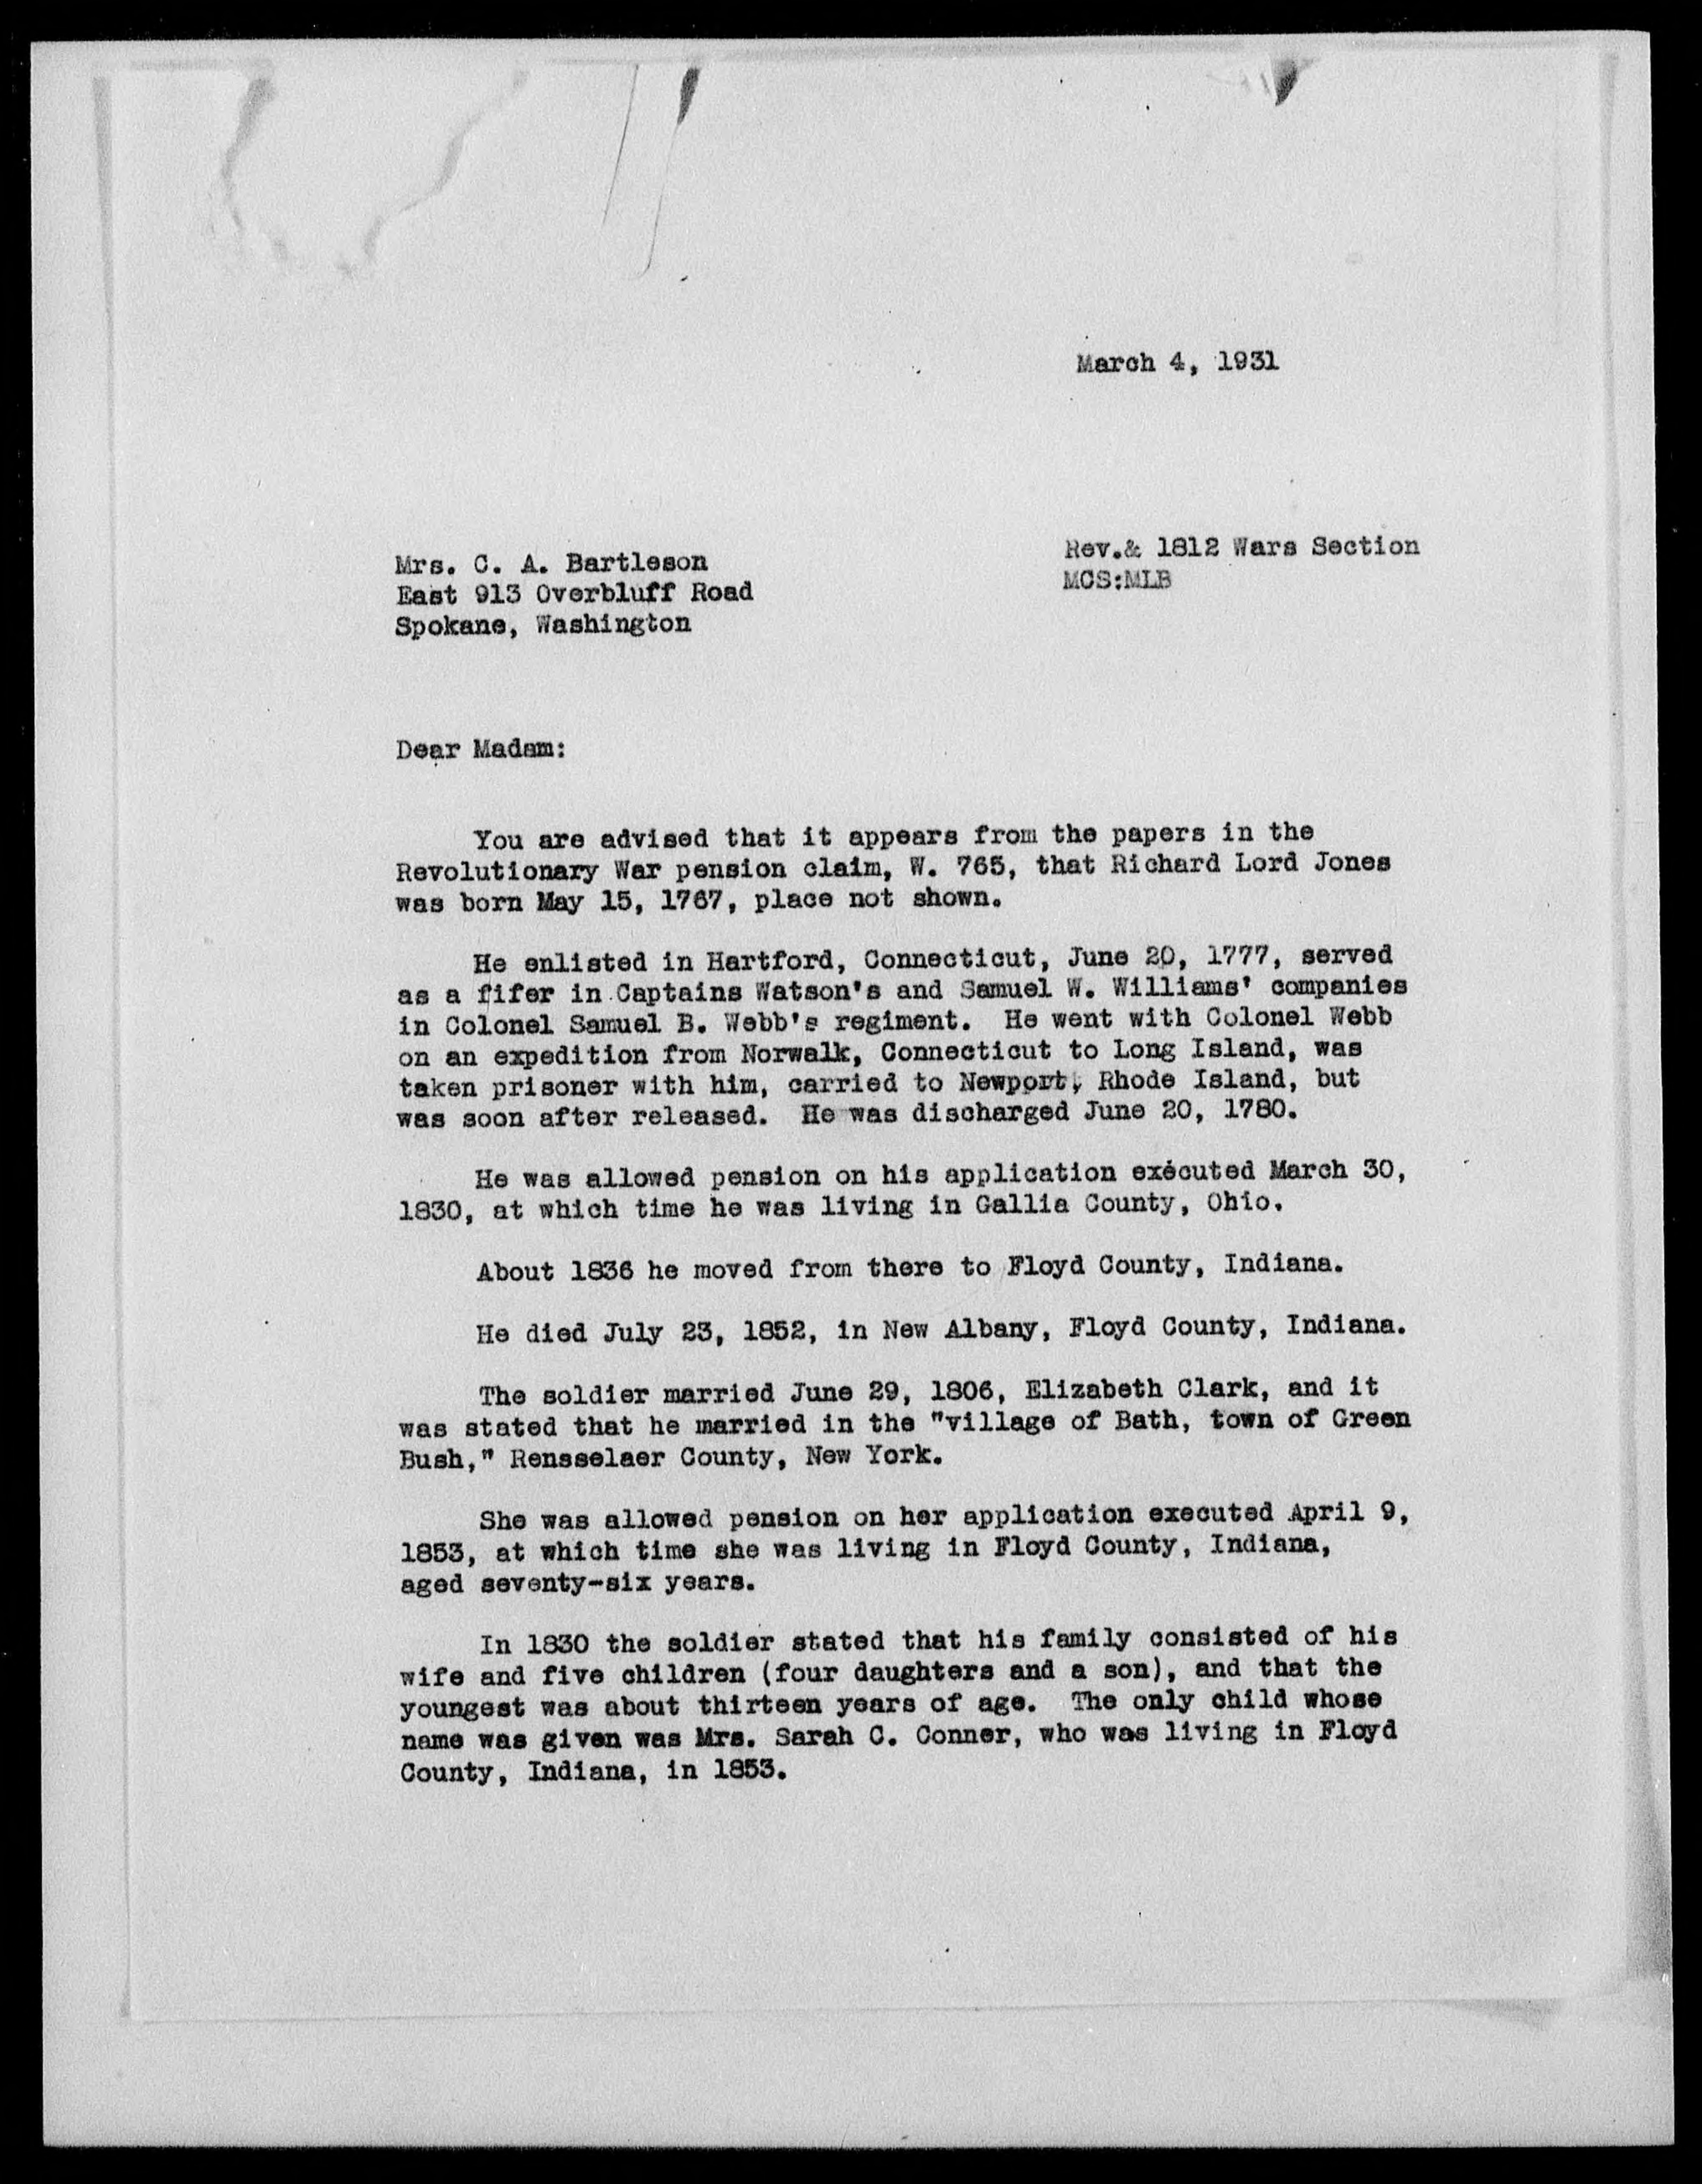March 4, 1931
Mrs. C. A. Bartleson
East 913 Overbluff Road
Spokane, Washington
Rev. & 1812 Wars Section
MCS:MLB
Dear Madam:
You are advised that it appears from the papers in the Revolutionary War pension claim, W. 765, that Richard Lord Jones was born May 15, 1767, place not shown.
He enlisted in Hartford, Connecticut, June 29, 1777, served as a fifer in Captains Watson's and Samuel W. Williams' companies
in Colonel Samuel B. Webb's regiment. He went with Colonel Webb on an expedition from Norwalk, Connecticut to Long Island, was
taken prisoner with him, carried to Newport, Rhode Island, but was soon after released. He was discharged June 20, 1780. He was allowed pension on his application executed March 30,
1830, at which time he was living in Gallia County, Ohio. About 1836 he moved from there to Floyd County, Indiana. He died July 23, 1852, in New Albany, Floyd County, Indiana.
The soldier married June 29, 1806, Elizabeth Clark, and it was stated that he married in the village of Bath, town of Green Bush, Rensselaer County, New York. She was allowed pension on her application executed April 9, 1853, at which time she was living in Floyd County, Indiana,
aged seventy-six years. In 1830 the soldier stated that his family consisted of his wife and five children (four daughters and a son, and that the youngest was about thirteen years of age. The only child whose name was given was Mrs. Sarah C. Conner, who was living in Floyd
County, Indiana, in 1853.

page: 17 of 62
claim: widow's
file: W. 765, for Richard L Jones, Connecticut